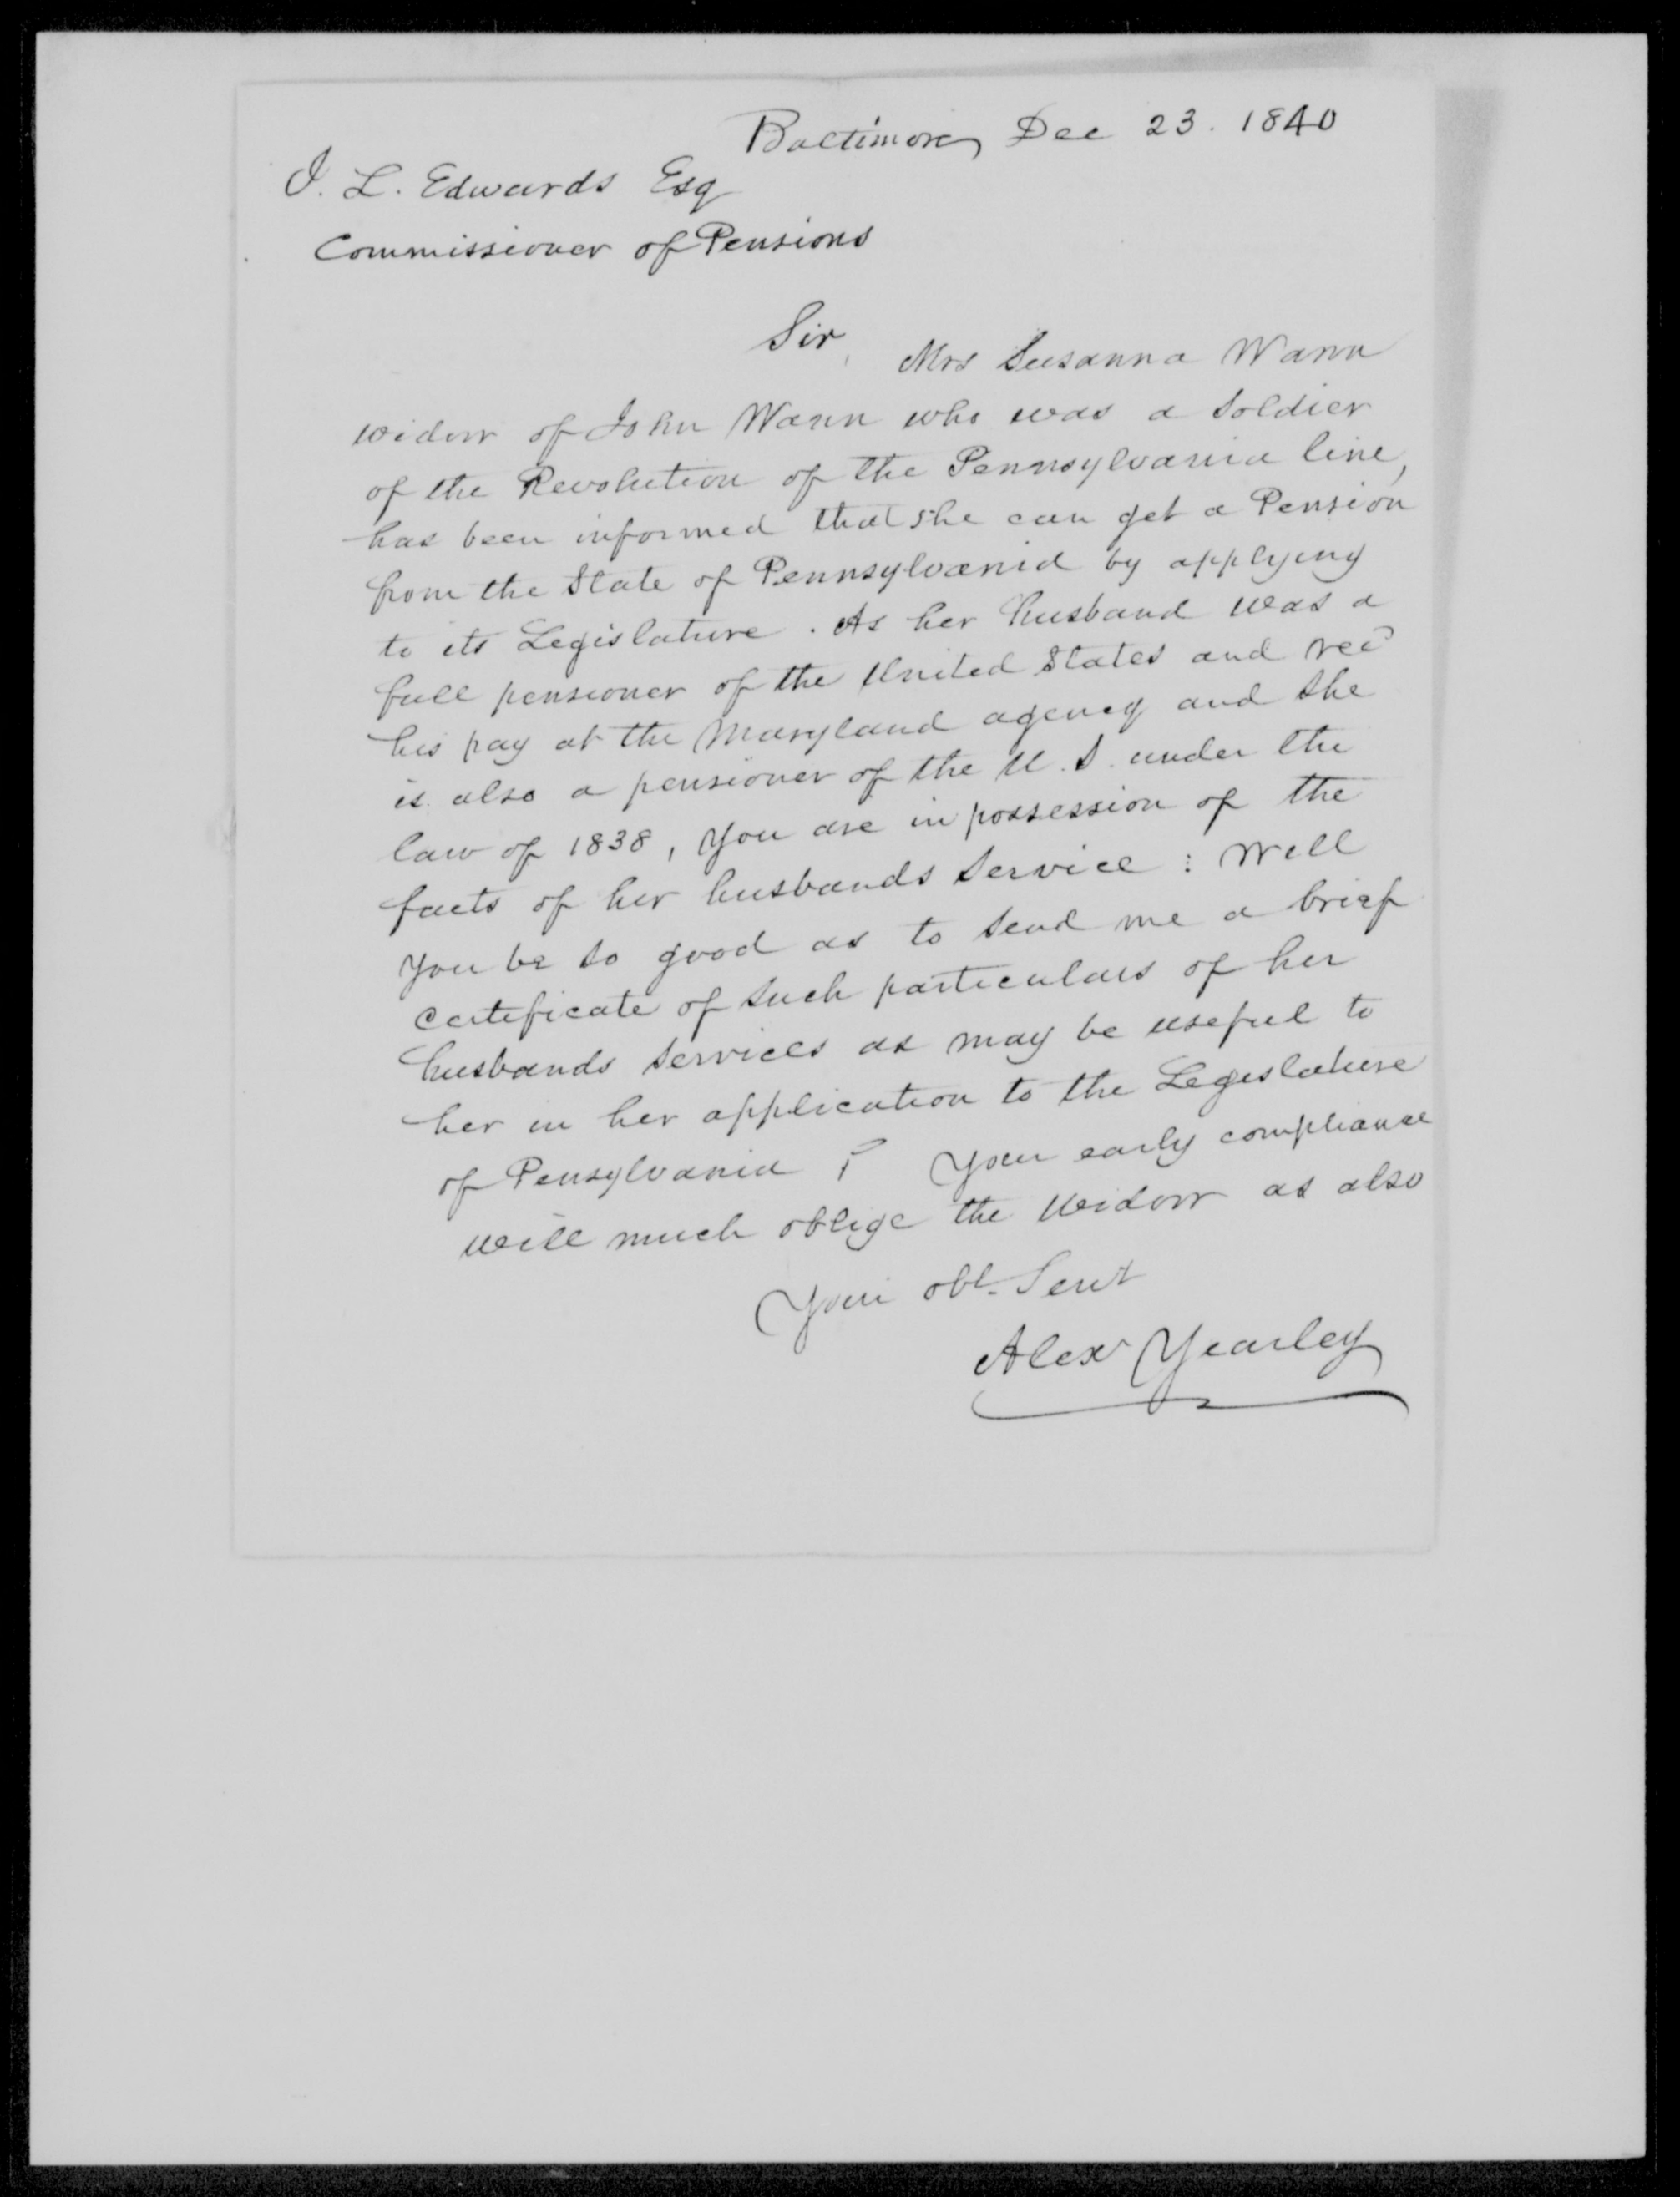Baltimore Dec 23. 1840
J.L. Edwards Esq
Commissioner of Pensions
Sir
Mrs Susanna Wann widow of John Wann who was a Soldier of the Revolution of the Pennsylvania line has been informed that she can get a Pension from the State of Pennsylvania by applying
to its legislature. As her husband was a full pensioner of the United States and recd [received] his pay at the Maryland agency and she is also a pensioner of the U.S. under the law of 1838, you are in possession of the facts of her husbands service: Will you be so good as to send me a brief
certificate of such particulars of her husbands services as may be useful to her in her application to the Legislature of Pennsylvania? Your early compliance will much oblige the widow as also
Your obt. Servt [obedient servant] 
Alex Yearley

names: J L Edwards, John Wann, Susanna Wann, Alexr Yearley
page: 22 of 38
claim: widow's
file: W. 3899, John Wann, Penn.